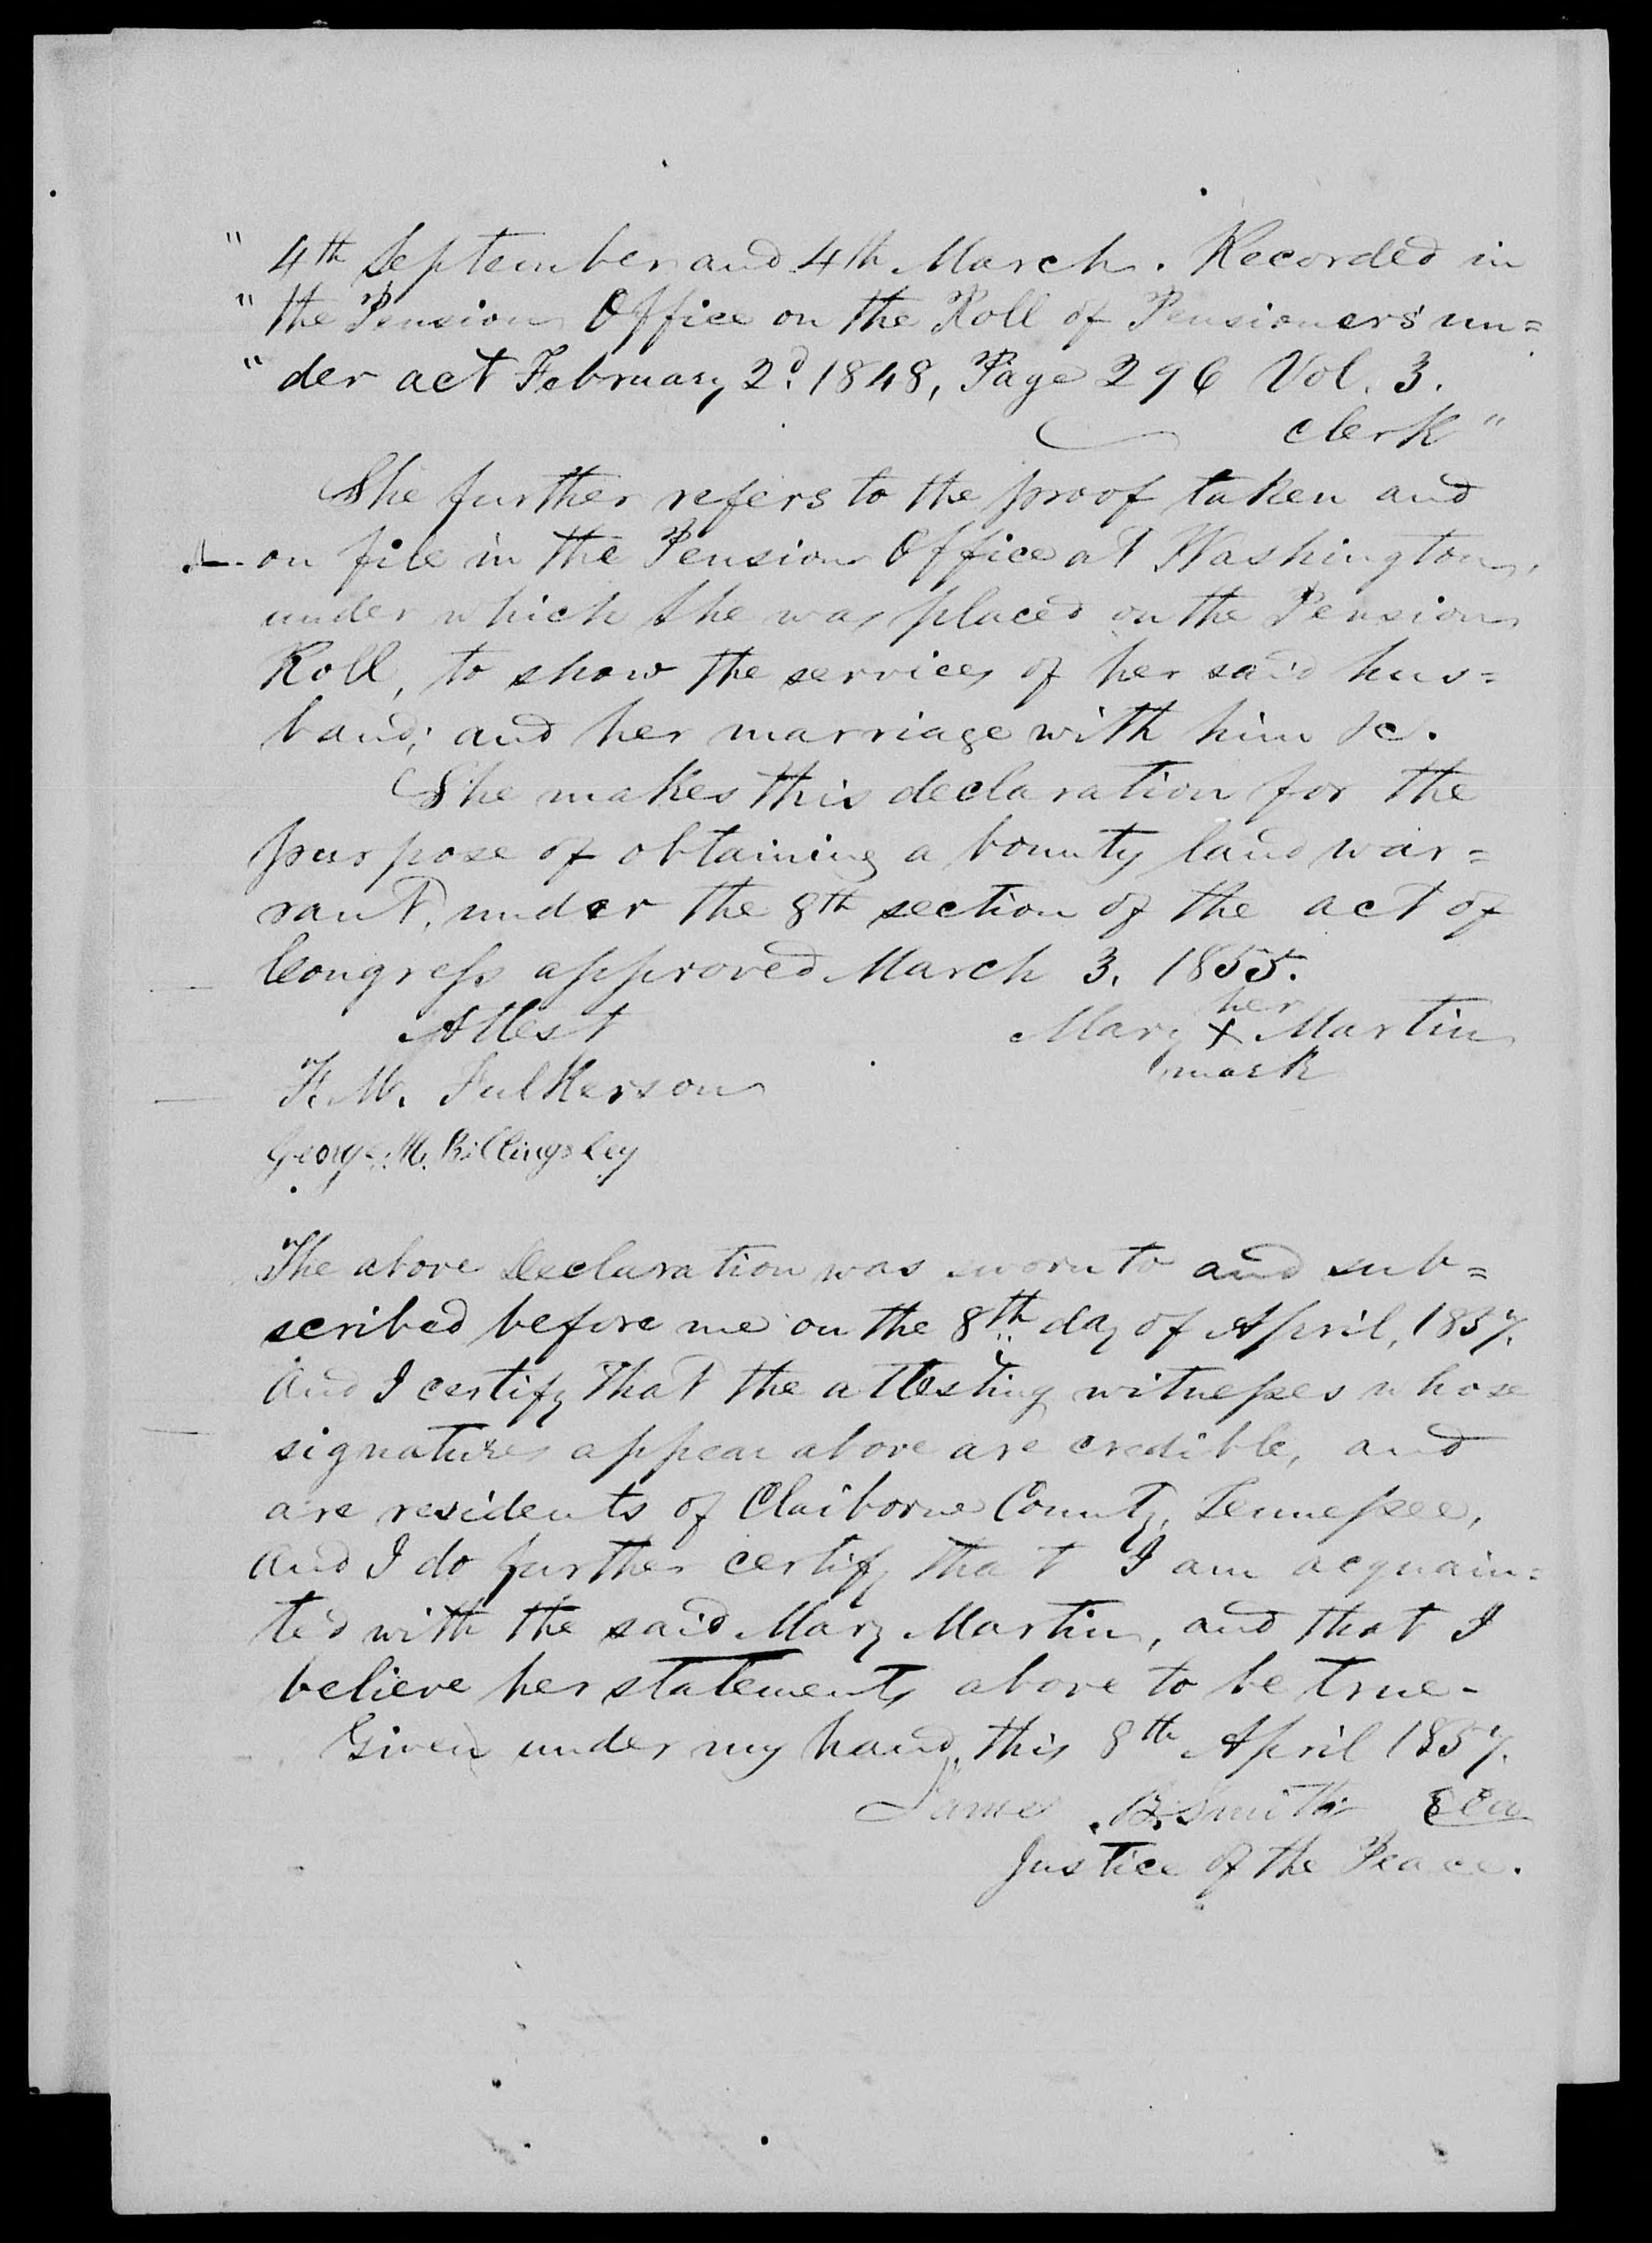"4th September and 4th March. Recorded in "the Pension Office on the Roll of Pensioners' un=
"der act February 2d. 1848, Page 296 Vol.3. 
clerk" 
She further refers to the proof taken and [illegible] on file in the Pension Office at Washington,
under which She was placed on the Pension Roll, to show the service of her said hus=
band; and her marriage with him &c [etc.]
She makes this declaration for the 
purpose of obtaining a bounty land war=
rant under the 8th section of the act of Congress approved March 3, 1855. 
Mary her X mark Martin 
Attest 
F. M. Fulkerson 
George M. Billingsley 

The above Declaration was sworn to and sub=
scribed before me on the 8th day of April, 1857. 
And I certify that the attesting witnesses whose signatures appear above are credible, and 
are residents of Claiborne County, Tennessee. And I do further certify that I am acquain=
ted with the said Mary Martin, and that I believe her statements above to be true. 
Given under my hand this 8th April 1857. 
James B Smith (seal) 
Justice of the Peace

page: 11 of 120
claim: widow's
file: W. 1044, for Salathiel Martin, North Carolina